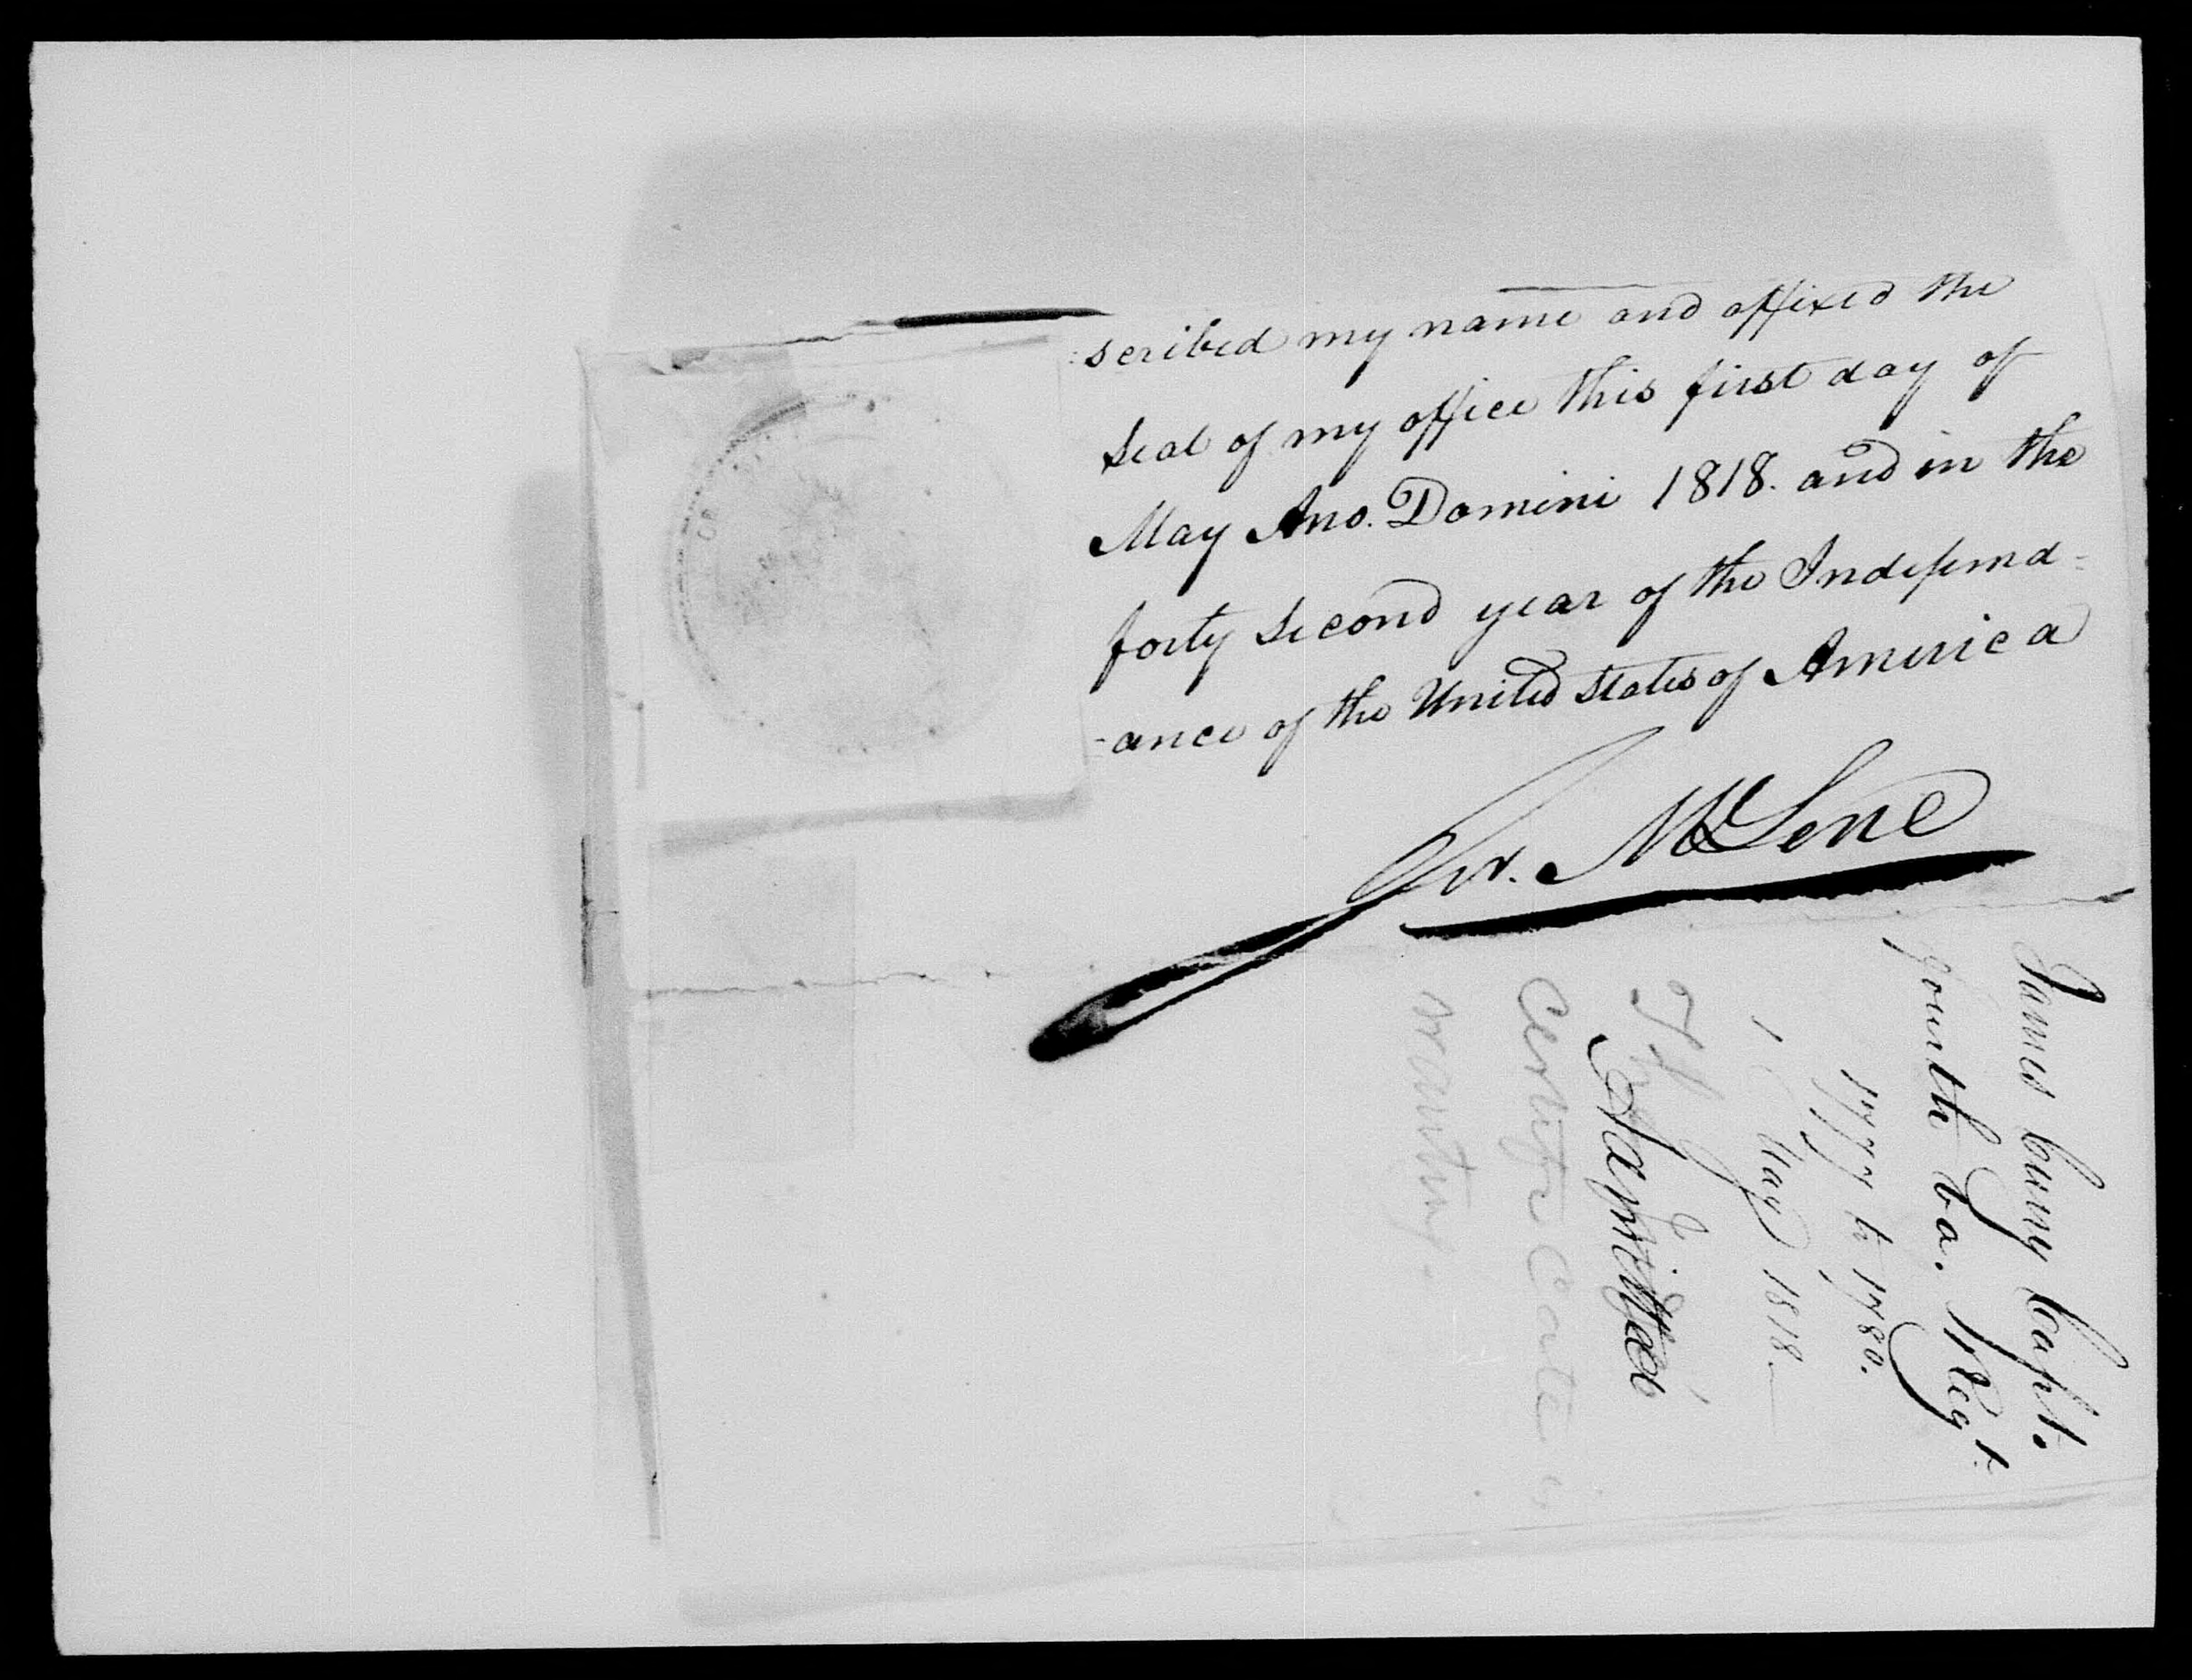scribed my name and affixed the
Seal of my office this first day of
May Ano. Domini 1818. and in the
forty second year of the Independance 
of the United States of America
[signature]

James Curry Capt.
fourth Va. Regt
1777 to 1780
May 1818
Admitted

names: Jer Mc Lene, James Curry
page: 3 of 32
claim: survivor's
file: S. 44230, James Curry, Va.